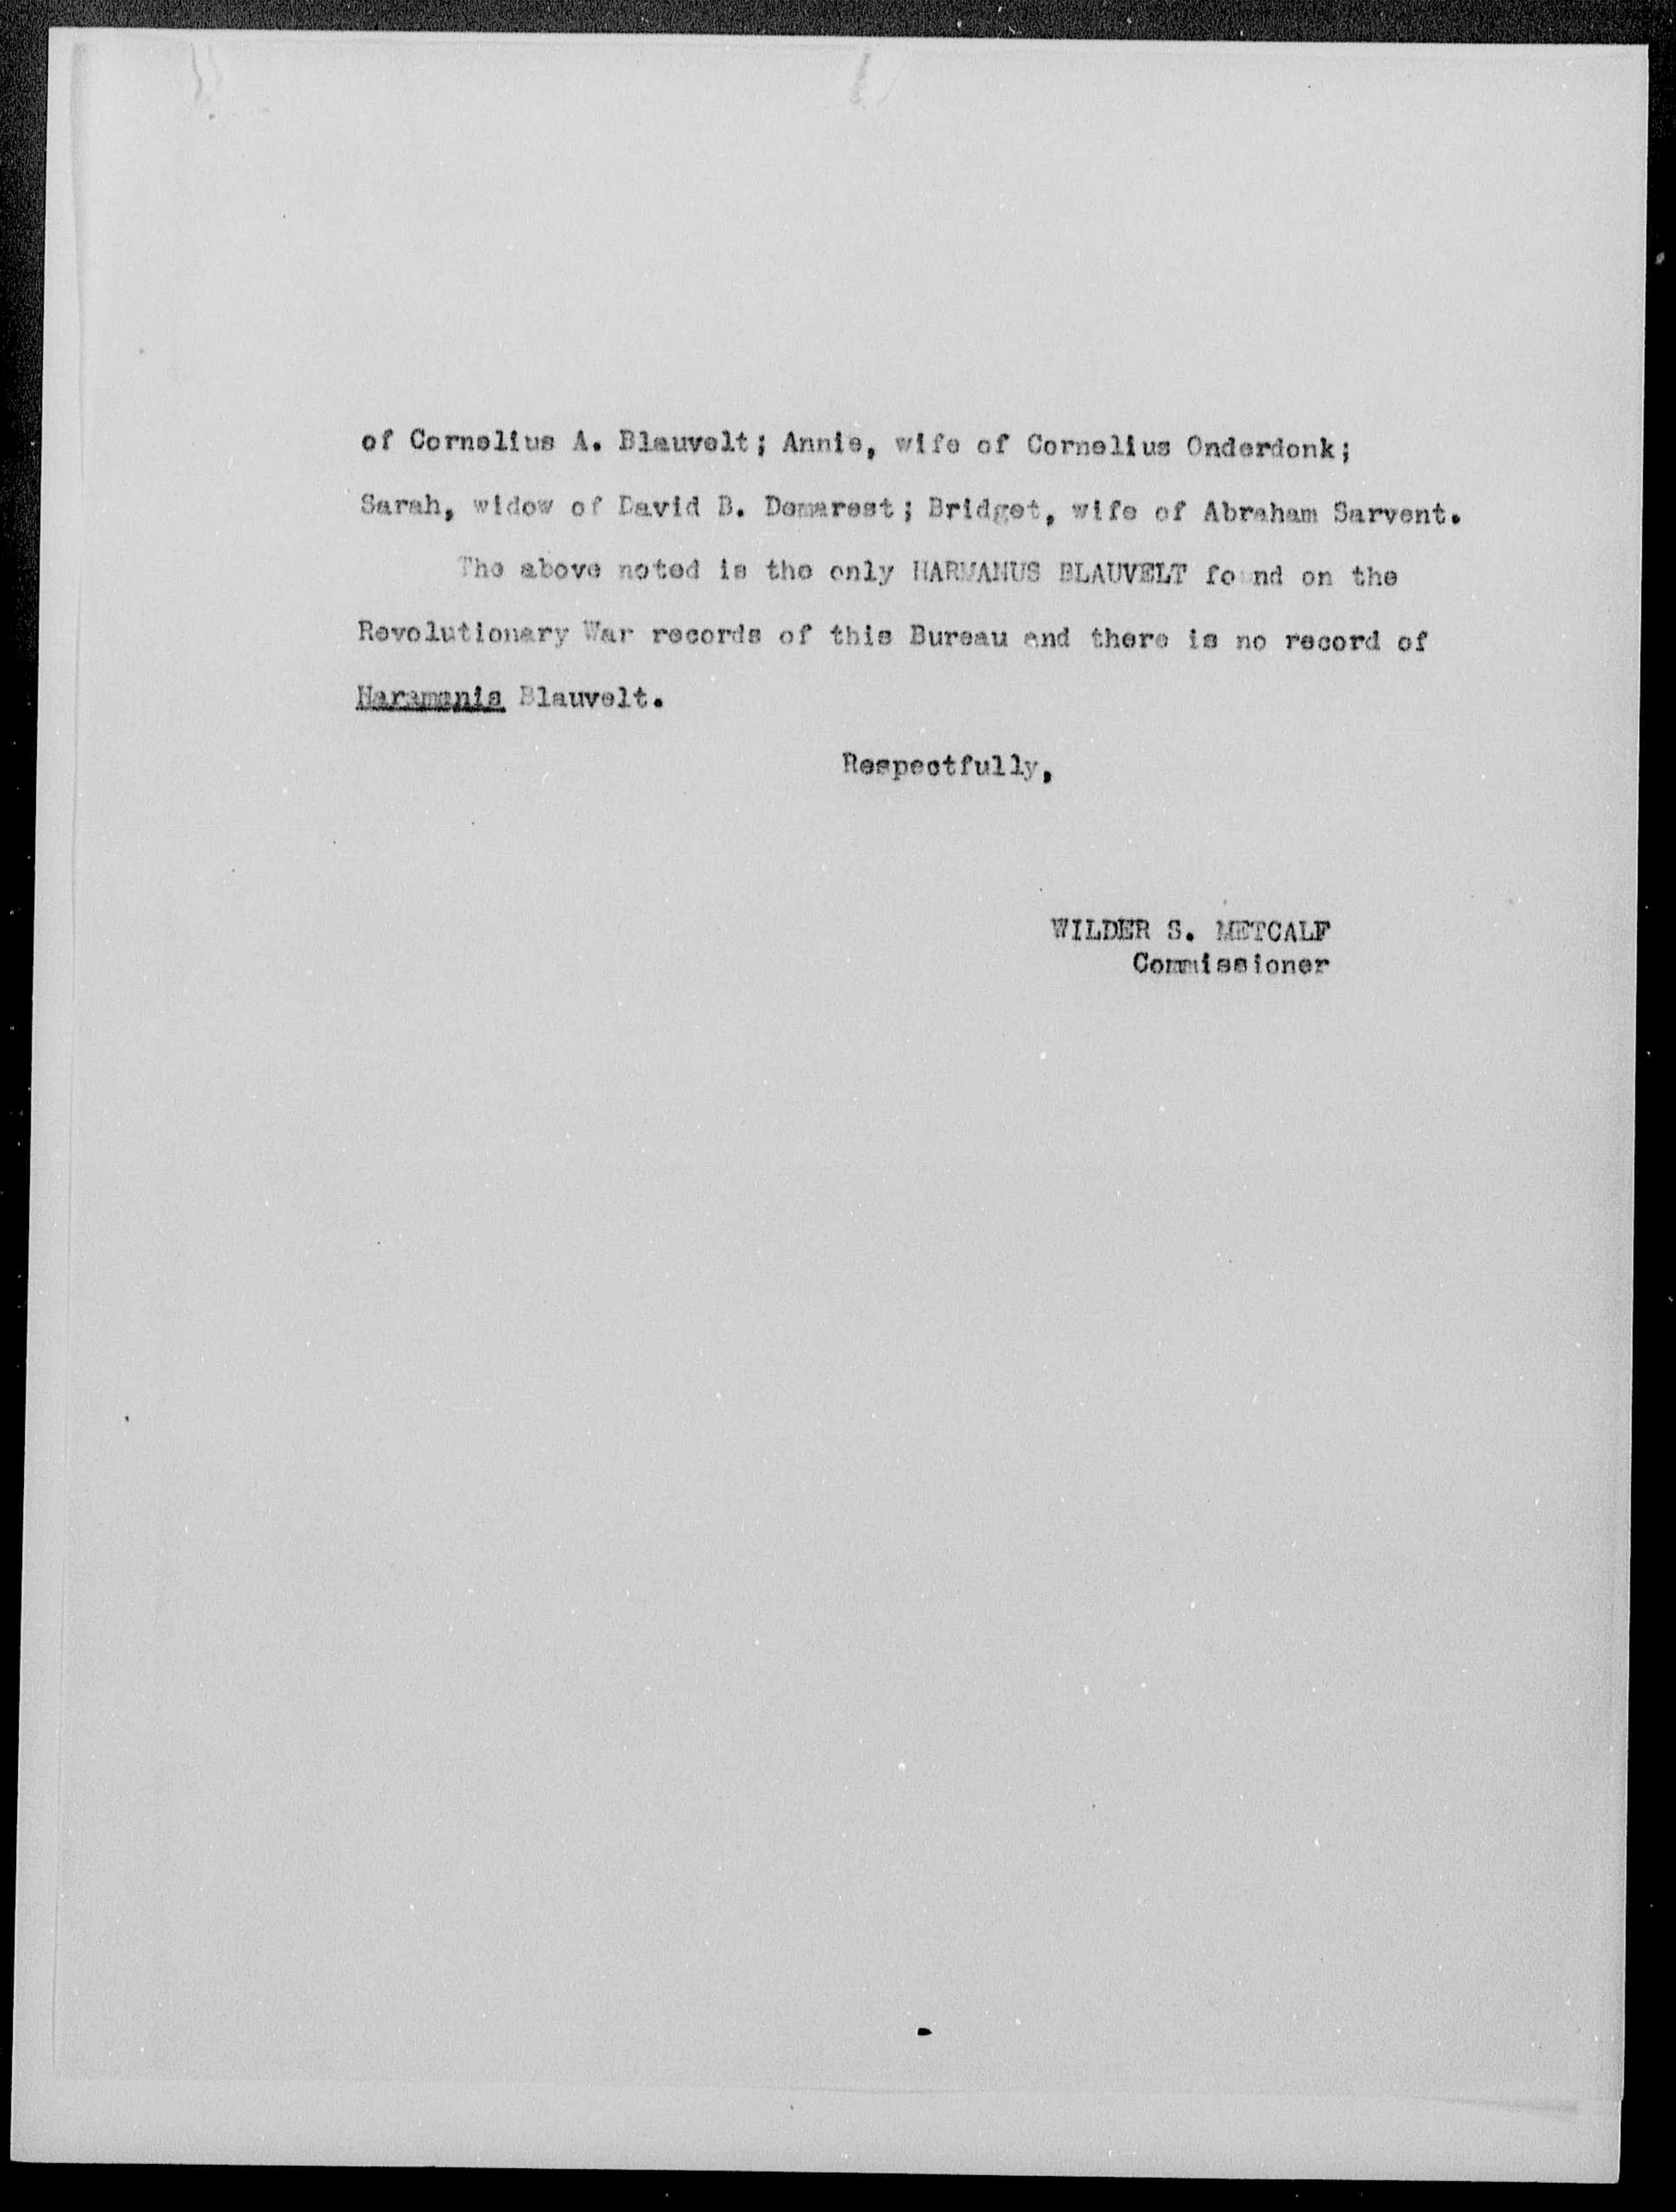of Cornelius A. Blauvelt; Annie, wife of Cornelius Onderdonk; Sarah, widow of David B. Demarest; Bridget, wife of Abraham Sarvent.

The above noted is the only HARMANUS BLAUVELT found on the Revolutionary War records of this Bureau and there is no record of
Naramania Blauvelt.

Respectfully,

WILDER S. METCALF
Commissioner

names: Sarah Demarest, Abraham Sarvent, Cornelius A Blauvelt, Harmanus Blauvelt, Cornelius Onderdonk, Annie Onderdonk, David B Demarest, Wilder S Metcalf, Bridget Sarvent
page: 13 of 33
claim: survivor's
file: S. 22,653, Harmanus Blauvelt, New York